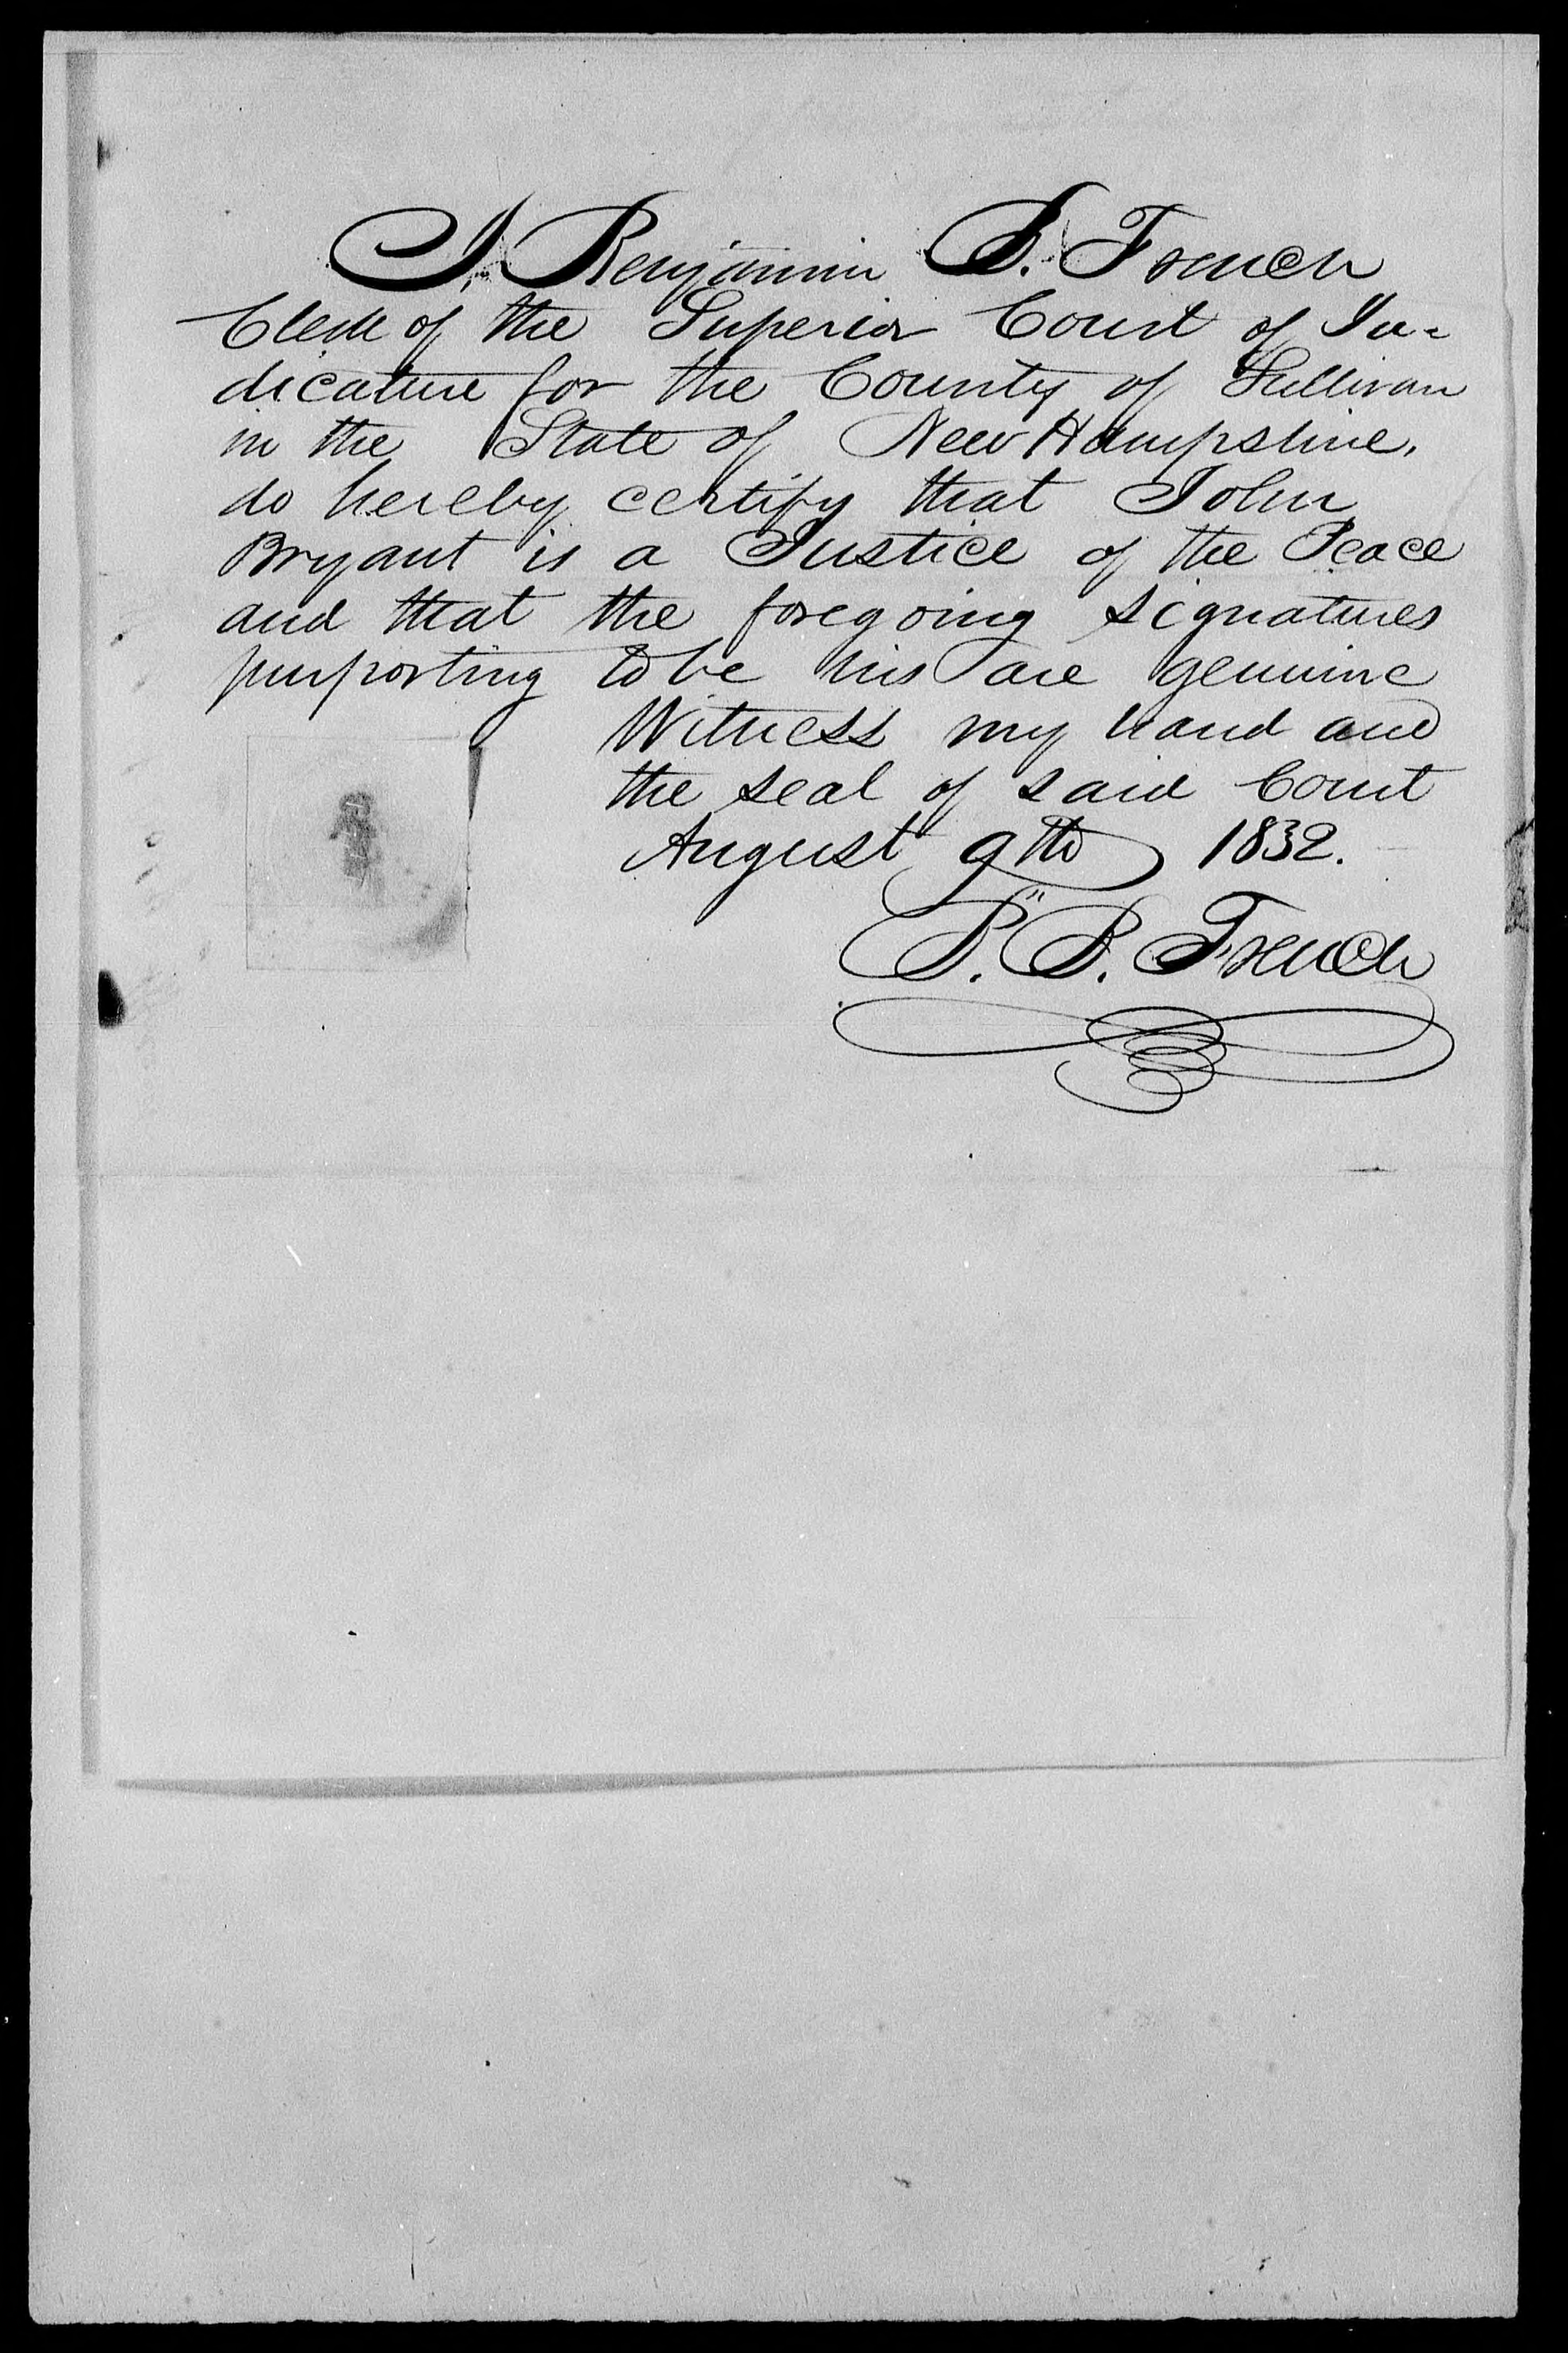I Benjamin B. French Clerk of the Superior Court of Judicature for the County of Sullivan in the State of New Hampshire do hereby certify that John Bryant is a Justice of the Peace and that the foregoing signatures purporting to be his are genuine
Witness my hand and the seal of said Court August 9th 1832.
[signed] B. B. French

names: B B French, Benjamin B French, John Bryant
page: 28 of 43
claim: widow's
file: W 683, John Daniels, Continental Mass. N.H.